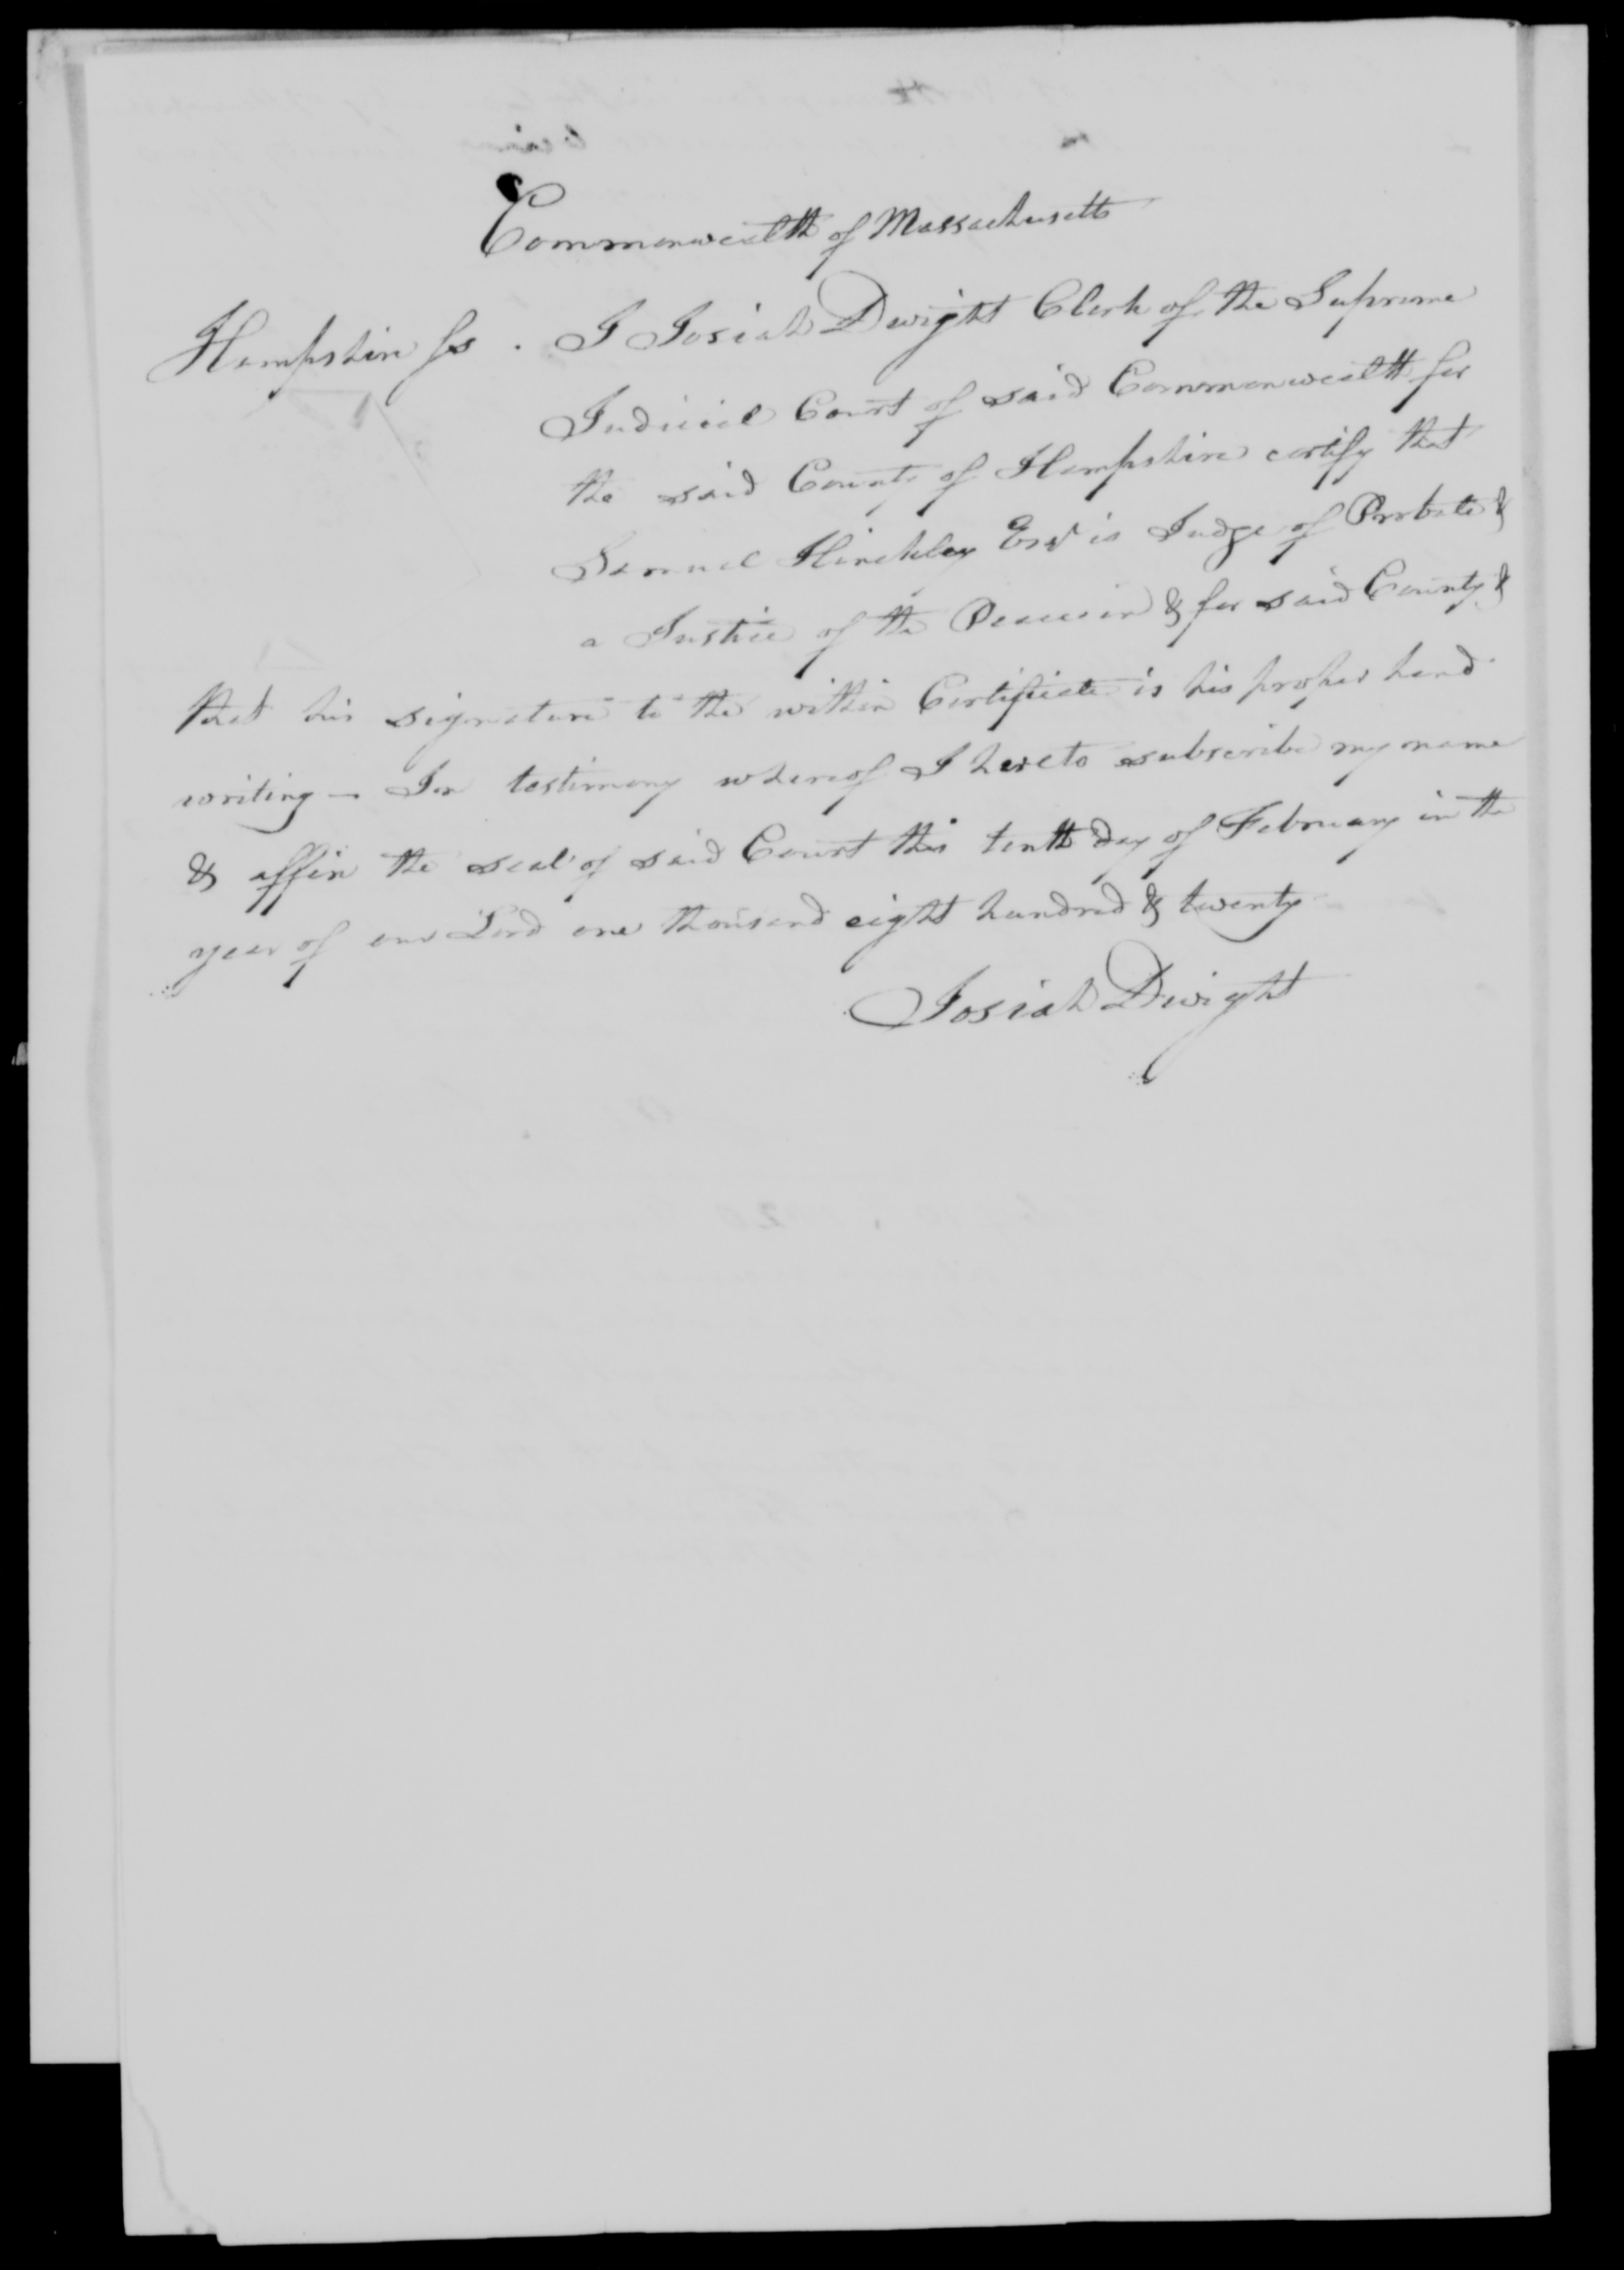Commonwealth of Massachusetts

Hampshire Ss.  I Josiah Dwight Clerk of the Supreme
Judicial Court of said Commonwealth for
the said County of Hampshire certify that
Samuel Hinckley 2nd is Judge of Probate &
a Justice of the Peace in & for said County &
that his signature to the written Certificate is his proper hand
writing -- In testimony whereof I hereto subscribe my name
& affix the seal of said Court this tenth day of February in the
year of our Lord one thousand eight hundred & twenty

Josiah Dwight (signature)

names: Josiah Dwight, Samuel Hinckley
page: 24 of 34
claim: survivor's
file: S. 41337, Jared Wilcox, Continental Mass.